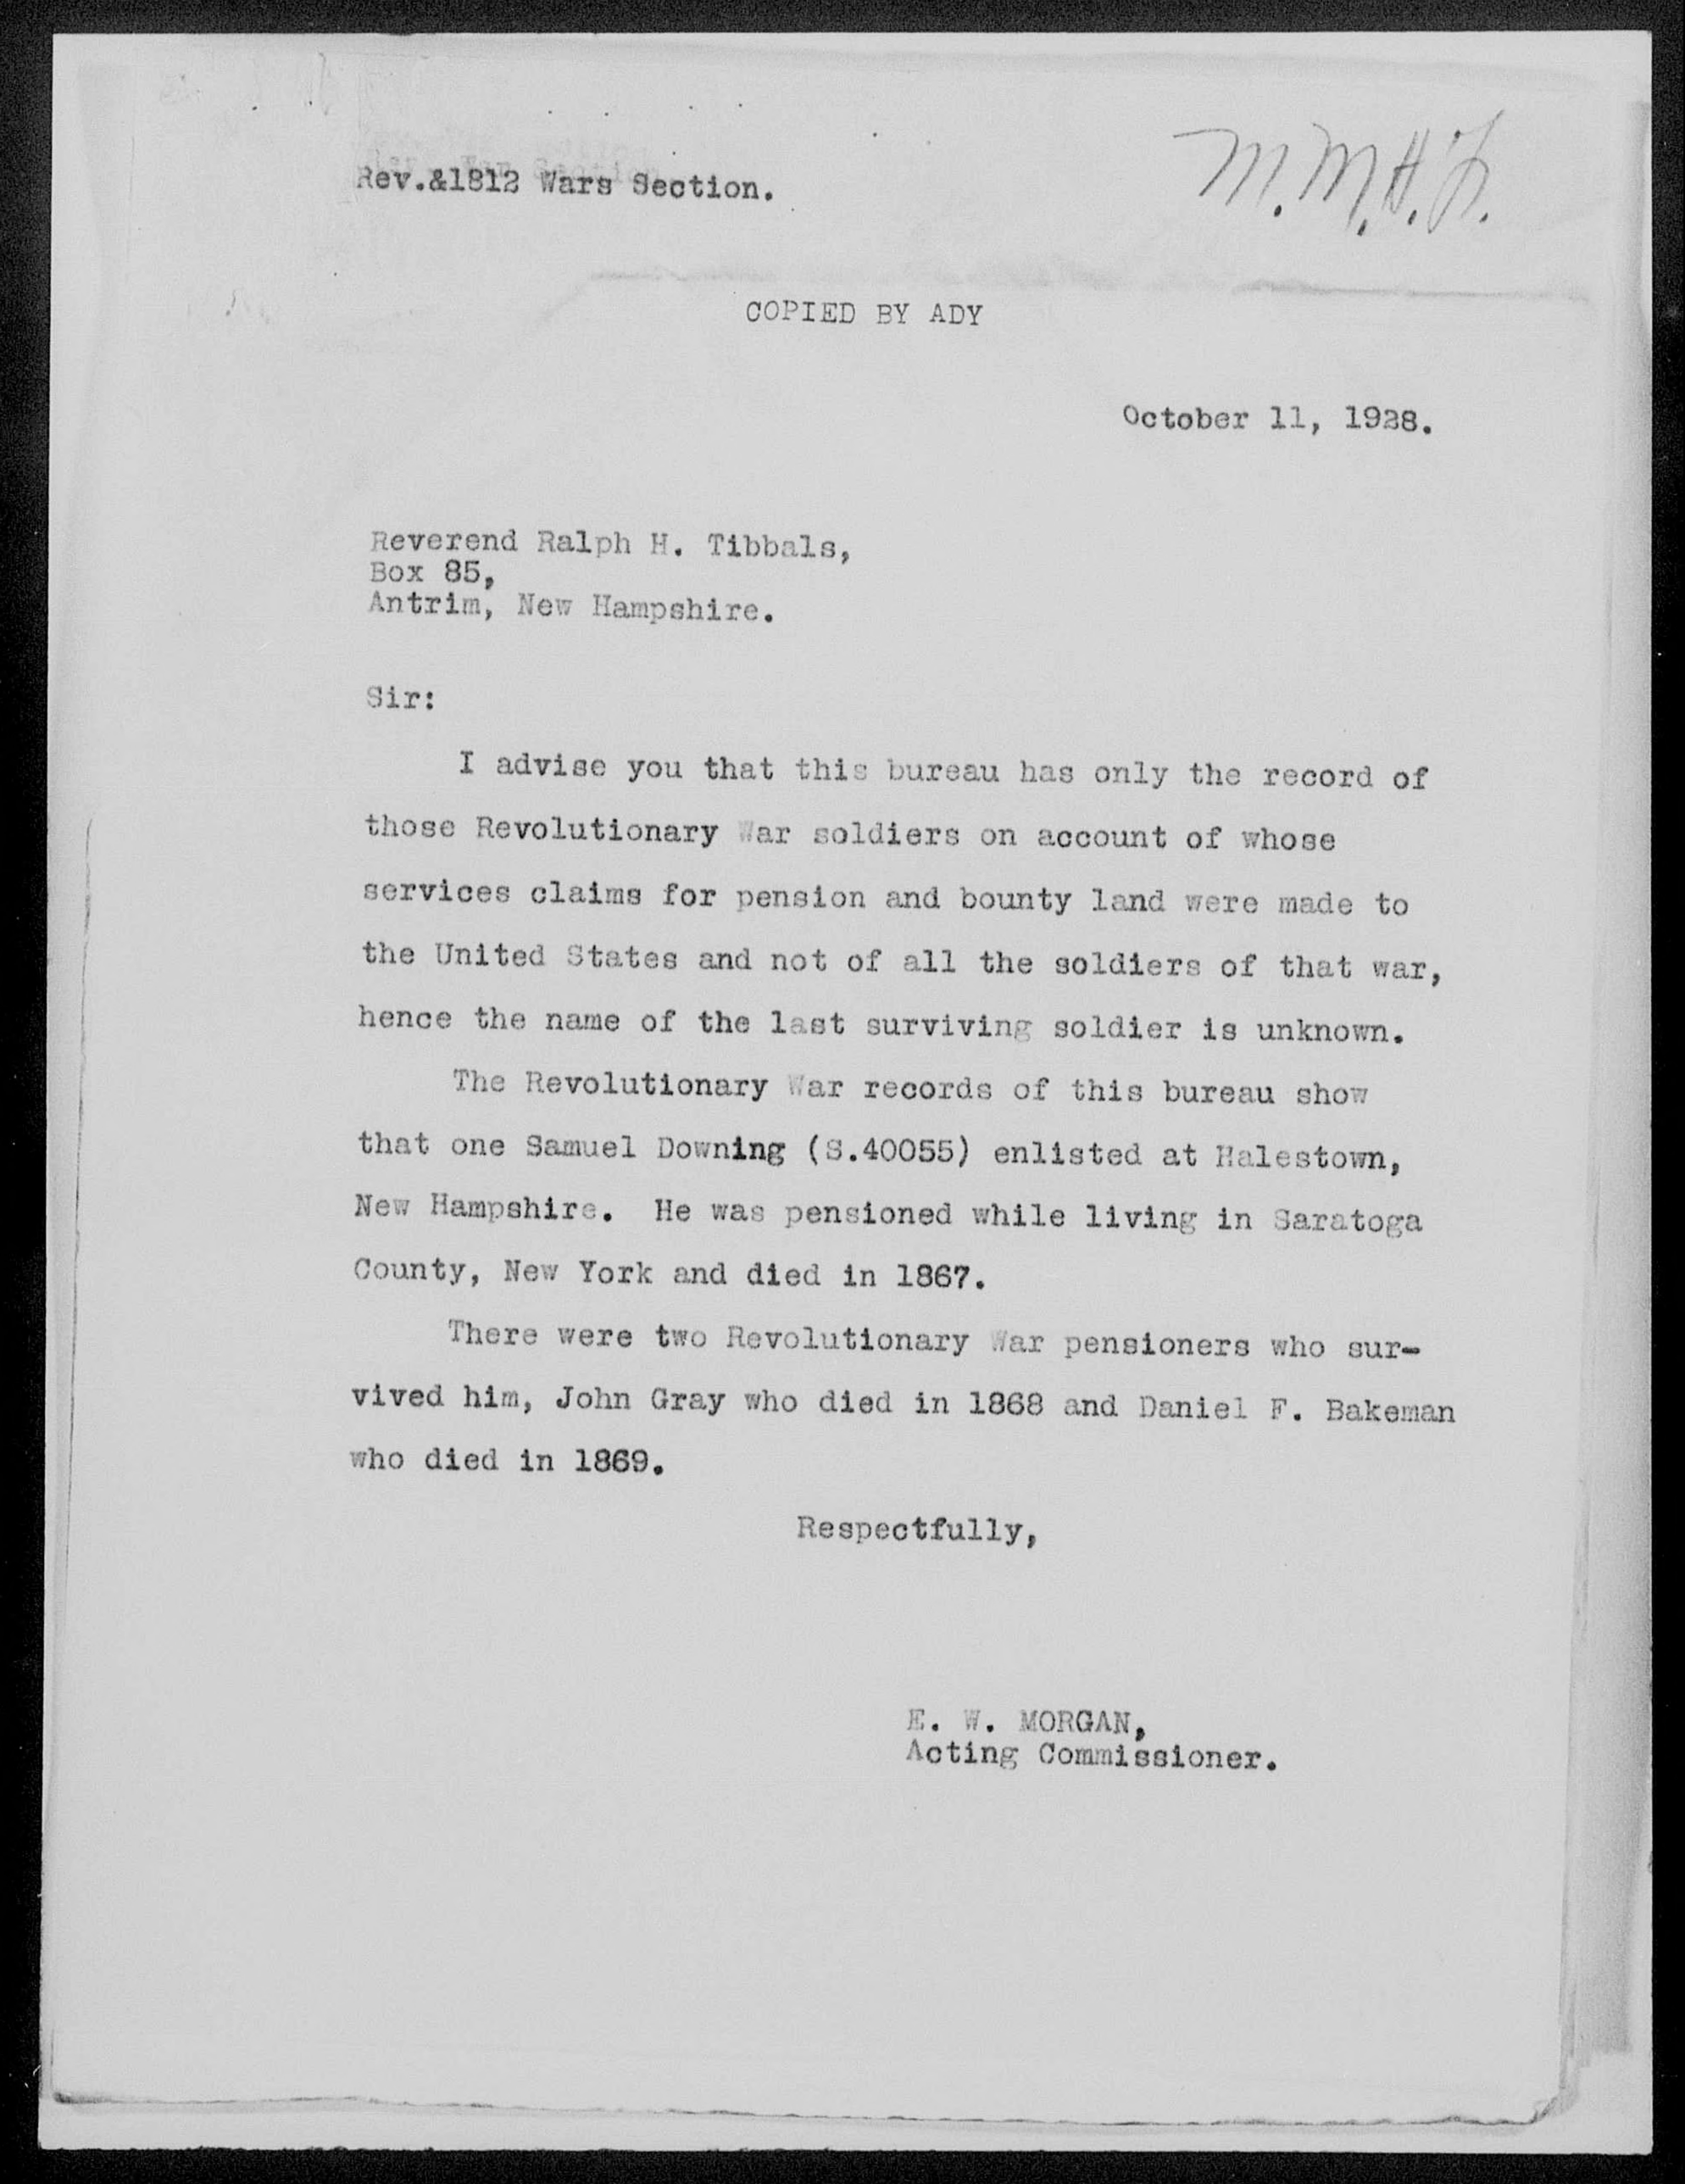Rev.&1812 Wars Section             M.M.H.L.
COPIED BY ADY
October 11, 1928.
Reverend Ralph H. Tibbals,
Box 85,
Antrim, New Hampshire.
Sir:
I advise you that this bureau has only the record  of those Revolutionary War soldiers on account of whose services claims for pension and bounty land were made to the United States and not all the soldiers of that war, hence the name of the last surviving soldier is unknown.
The Revolutionary War records of this bureau show that one Samuel Downing (s.40055) enlisted in Halestown,
New Hampshire. He was pensioned while living in Saratoga County, New York and died in 1867.
There were two Revolutionary War pensioners who survived him, John Gray who died in 1868 and Daniel F. Bakeman who died in 1869. 
Respectfully,
E. W. Morgan,
Acting Commissioner.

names: E W Morgan, John Gray, Samuel Downing, Ralph H Tibbals, Daniel F Bakeman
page: 19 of 56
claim: survivor's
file: S. 40,055, Samuel Downing, N.H.